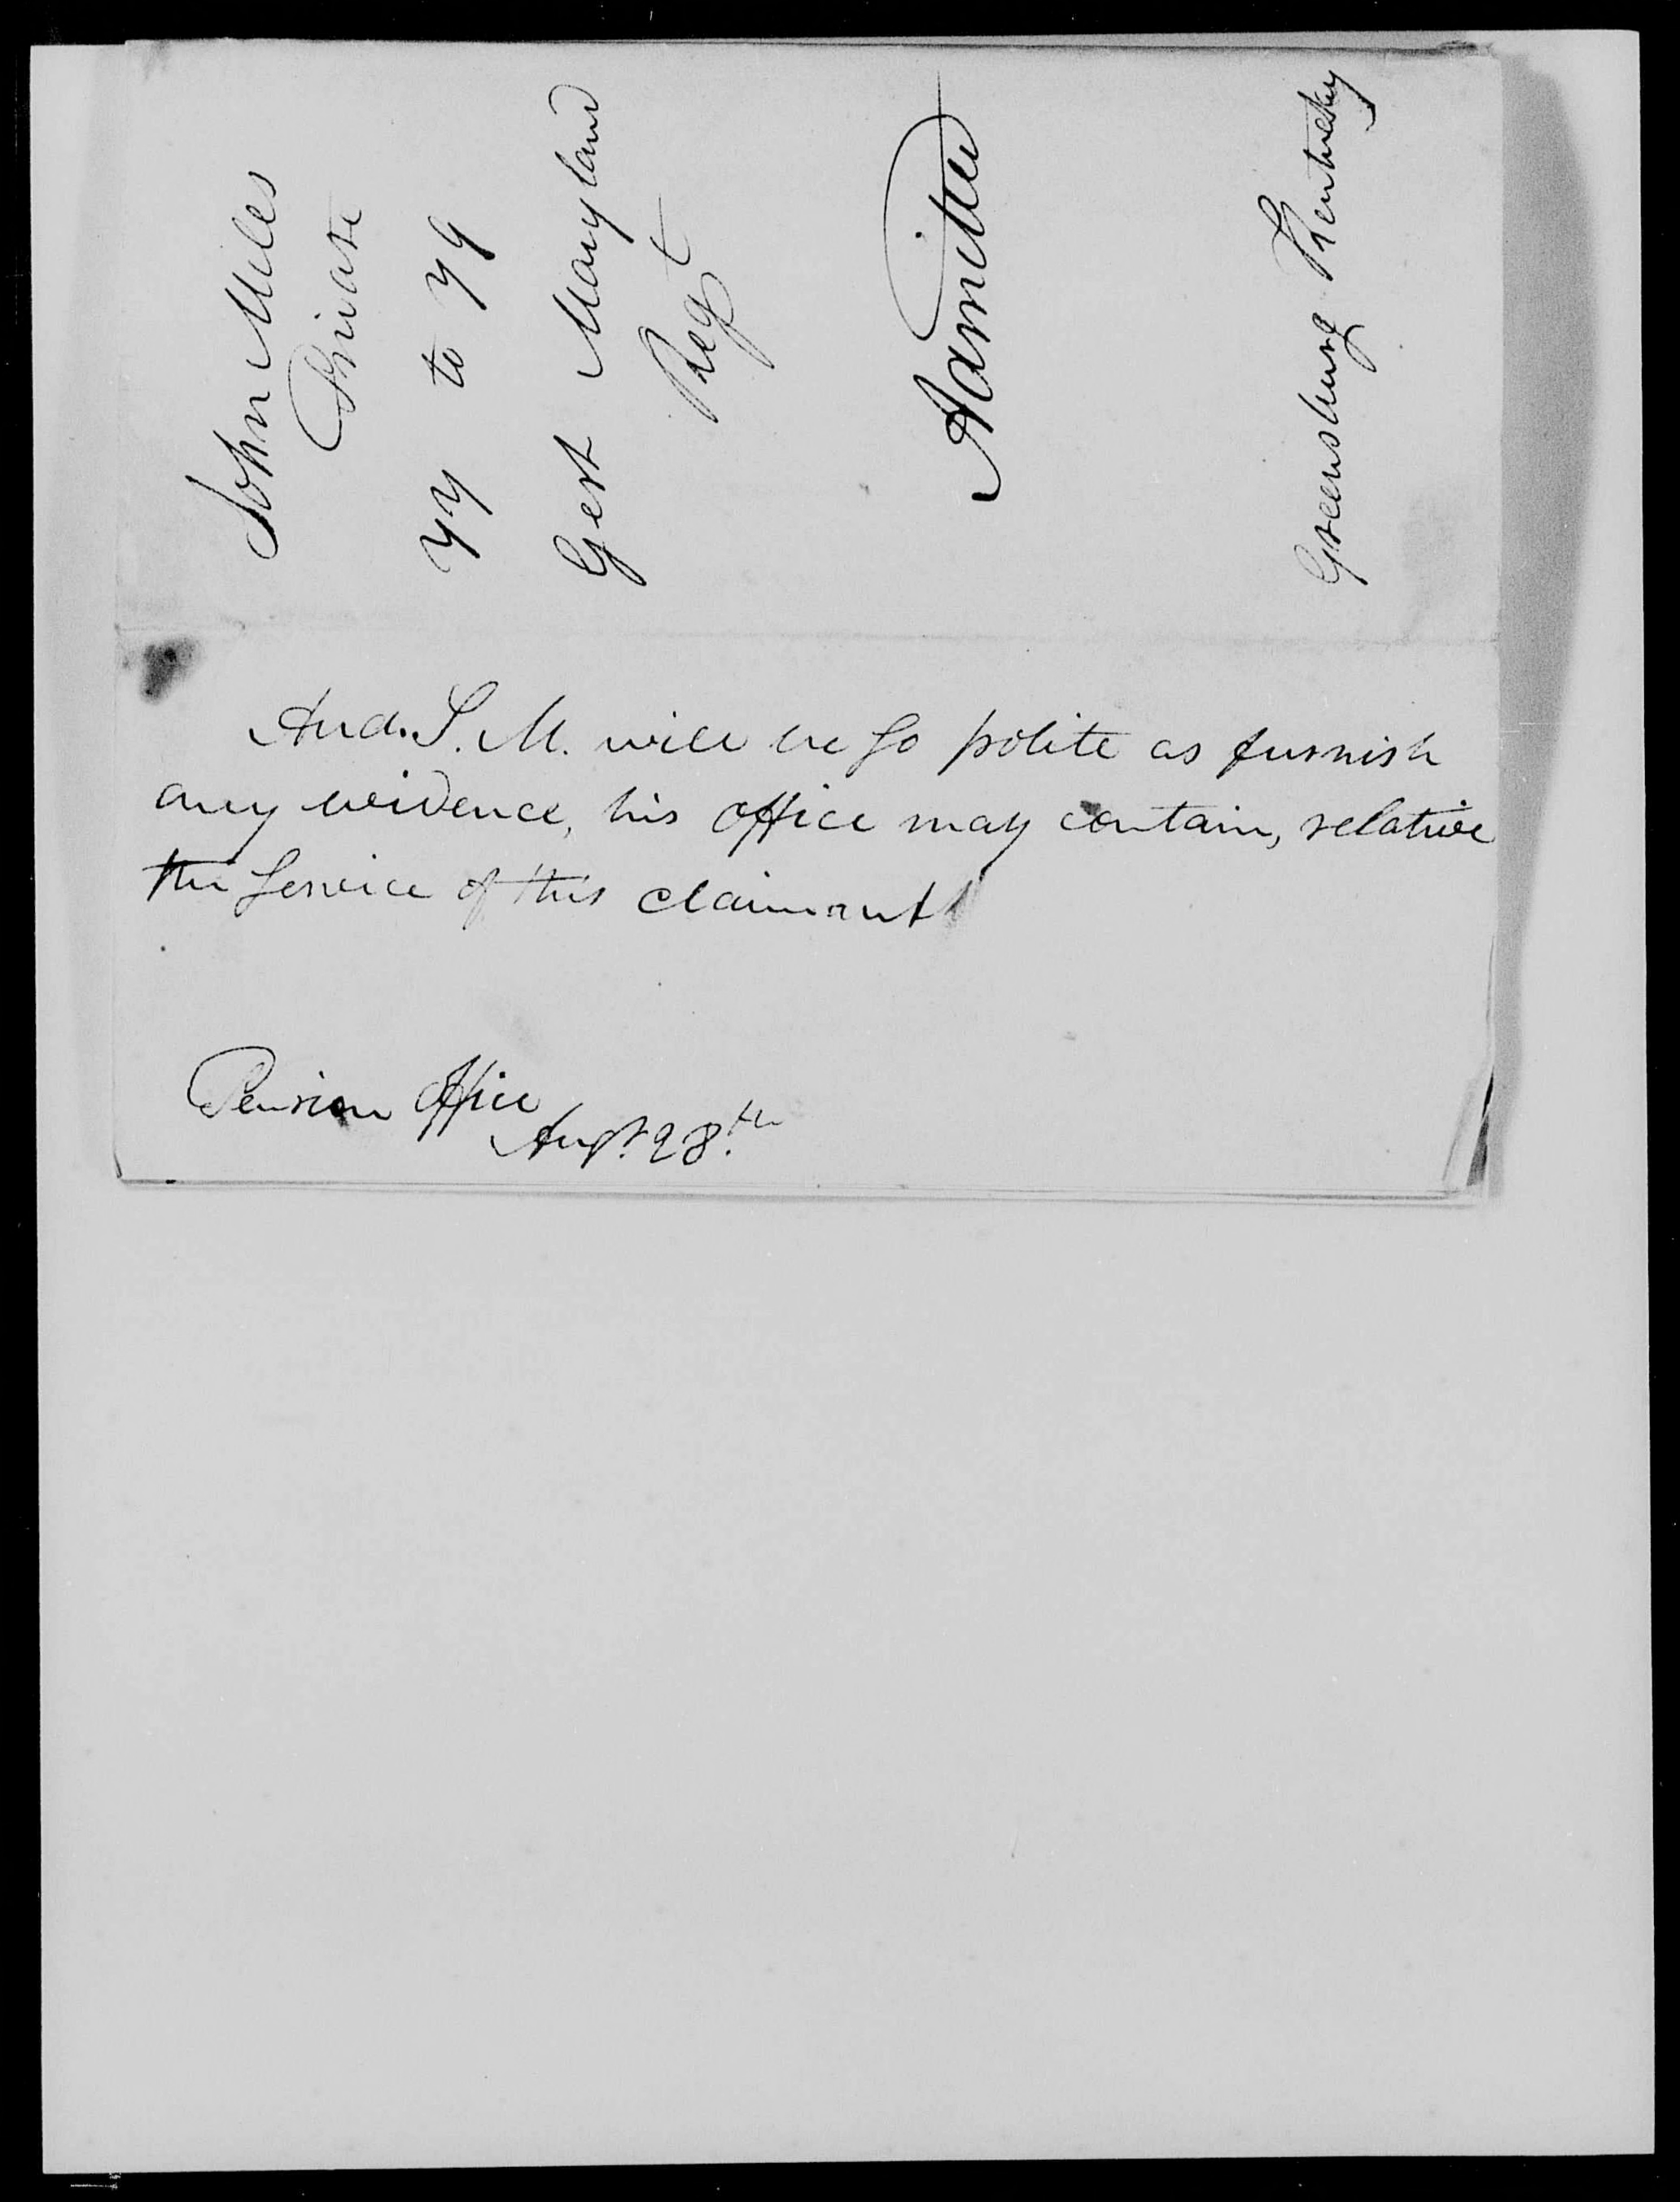Bottom Half Page

Andr L.M. will you be so polite as furnish any evidence his office may contain relative to service of this claimant

Pension Office
April 28th

Top Half Page

John Miles
Private
77 to 79

Ger Maryland
Regt

Admitted

Greensburg Kentucky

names: John Miles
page: 10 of 24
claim: survivor's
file: S 36138, for John Miles, Maryland